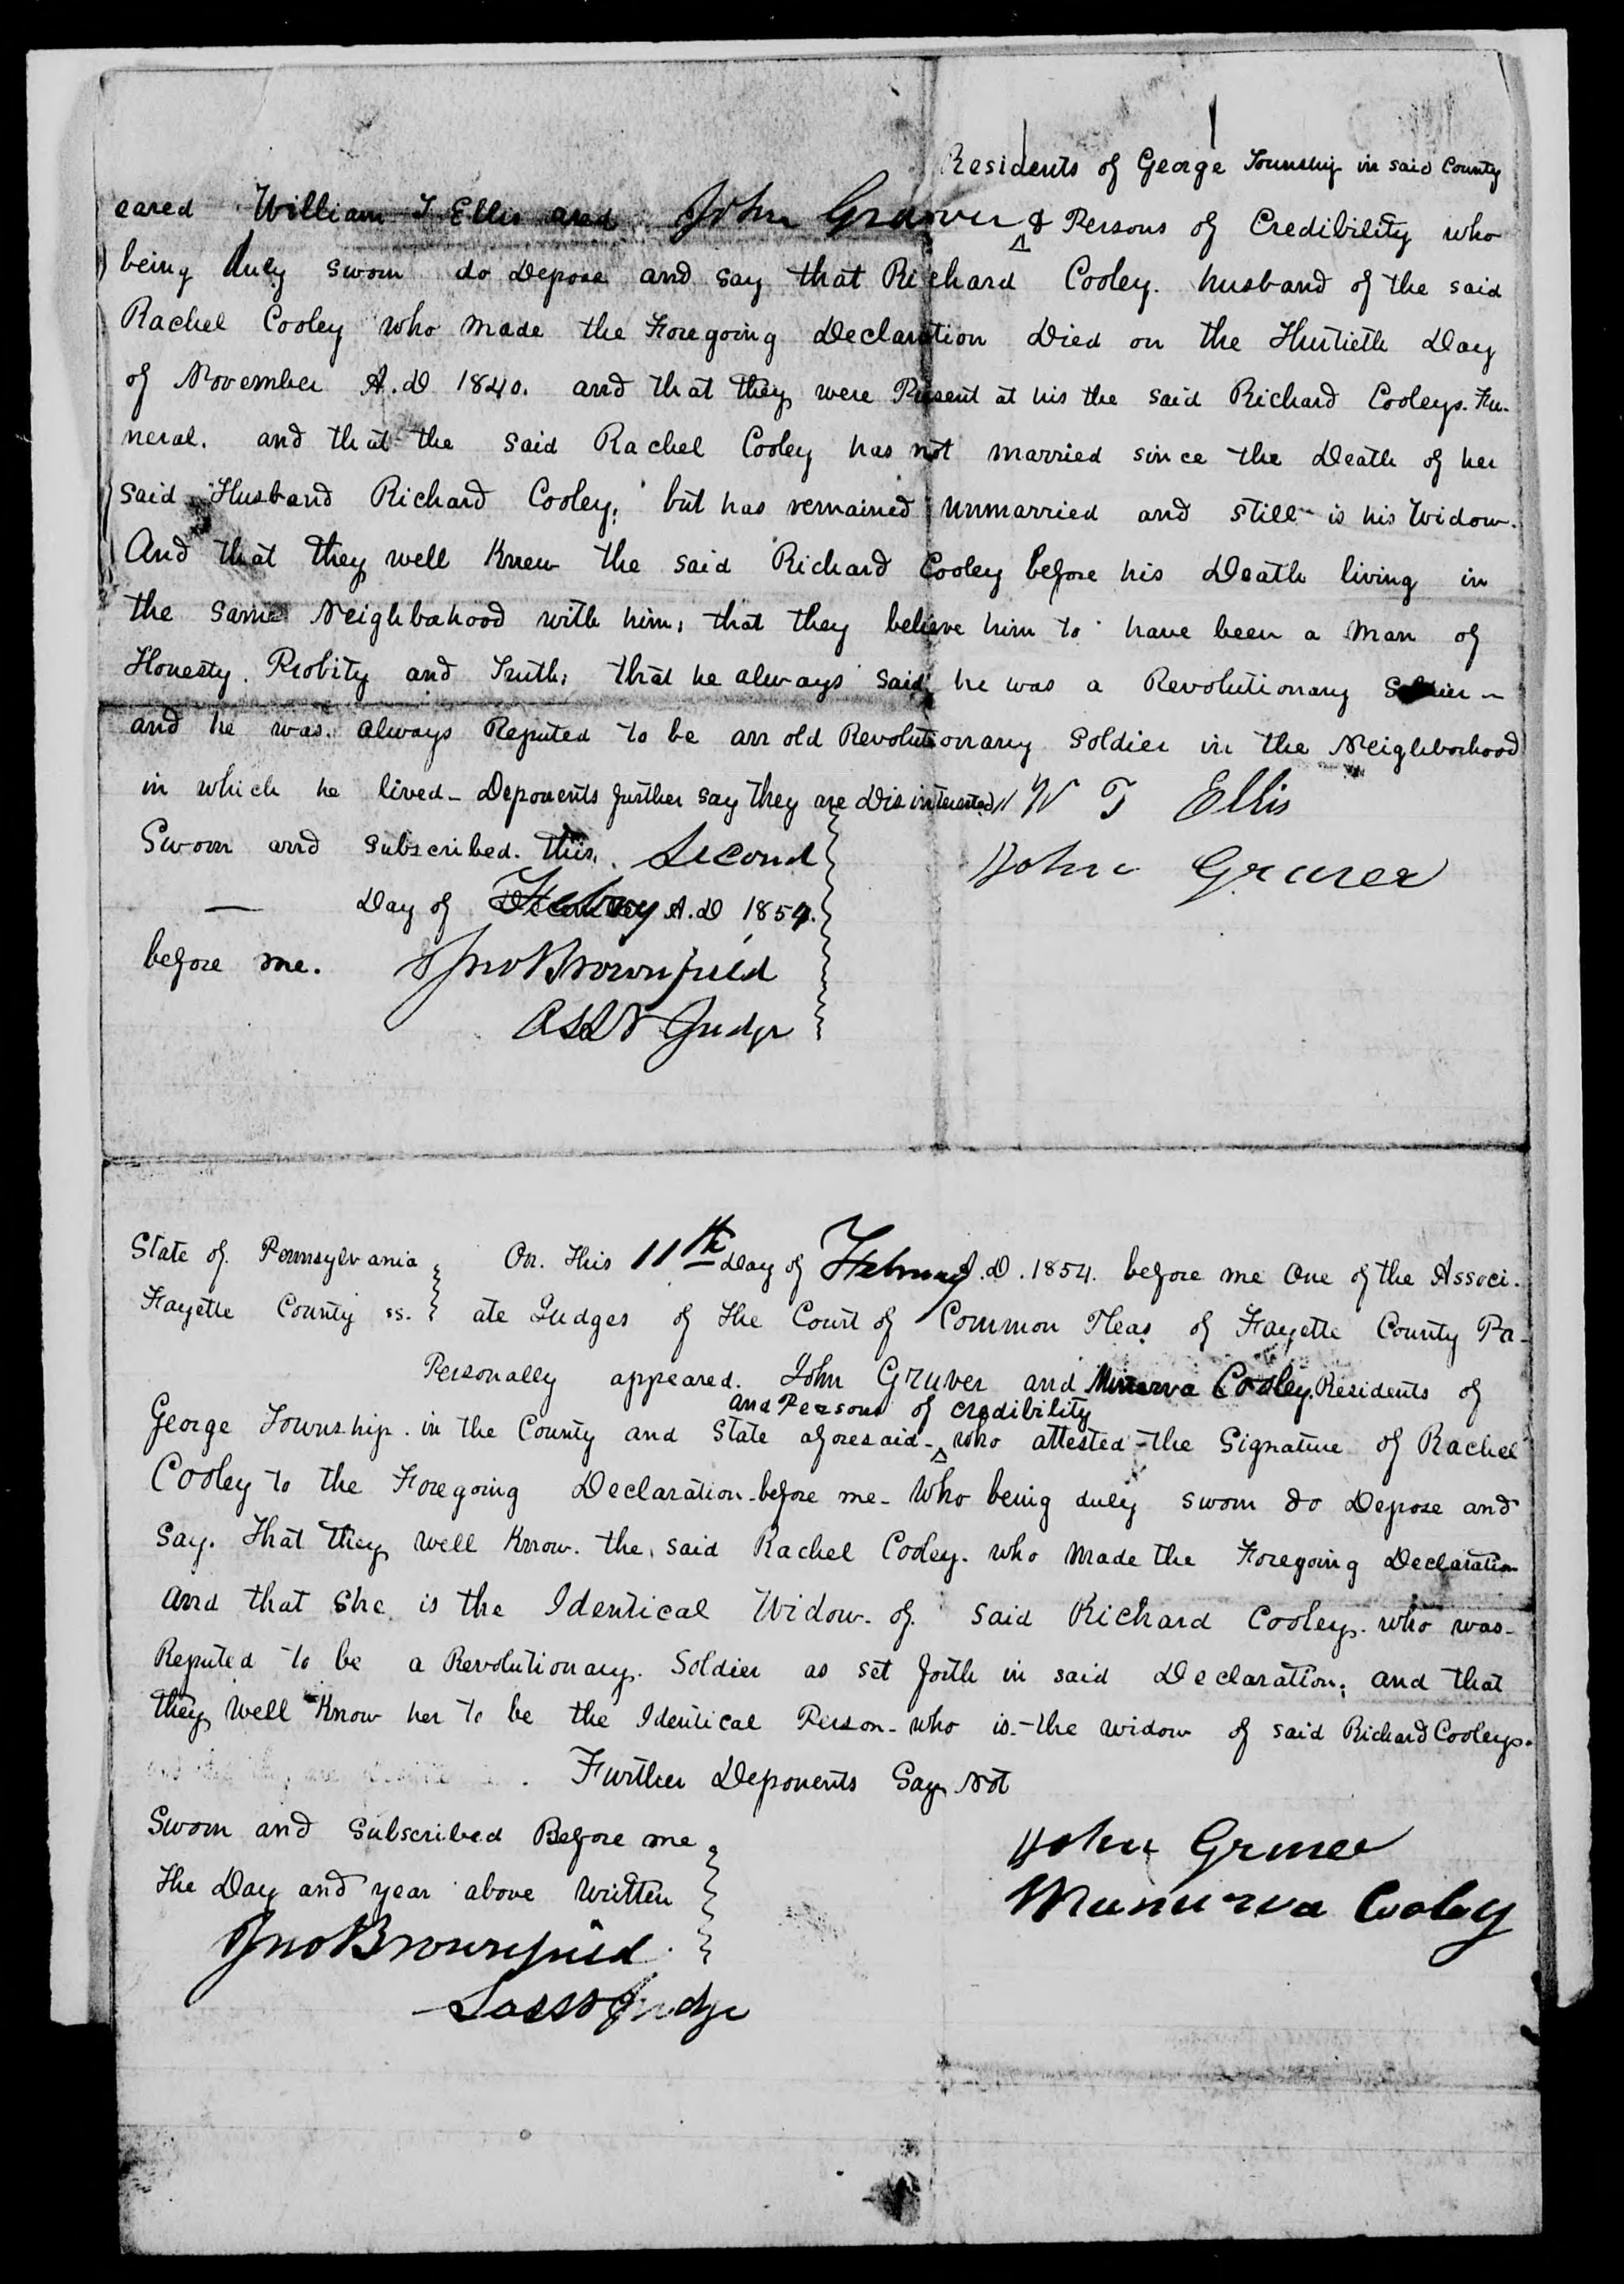eared William T. Ellis and John Gruver & persons of Credibility who being duly sworn do depose and say that Richard Colley husband of the said Rachel Cooley who made the Foregoing Declaration Died on the thirtieth Day of November A.D. 1840. and that they were Present at his the said Richard Cooleys funeral. and that the said Rachel Cooley has not married since the Death of her said Husband Richard Cooley. but has remained unmarried and still is his widow. And that they well knew the said Richard Coley before his Death living in the same Neighborhood with him, that they believe him to have been a Man of Honesty Probity and Truth, that he always said he was  a Revolutionary Soldier - and he was always Reputed to be an old Revolutionary Soldier in the Neighborhood in which he lived _ Deponents further say they are Disinterested //
W T Ellis
John Gruver
Sworn and subscribed this Second Day of February [overwrites December] A.D. 1854
before me.
John Brownsfield
asst Judge

State of Pennsylvania }
Fayette County ss. }
On this 11th Day of February A.D. 1854. before me one of the Associate Judges of the Court of Common Pleas of Fayette County Pa. Personally appeared. John Gruver and Minurva Colley . Residents of George Township. in the County and State aforesaid [inserted] and Persons of credibility [end insert] who attested the Signature of Rachel Cooley to the Foregoing Declaration before me_ Who being duly sworn do Depose and Say. That they well know the said Rachel Cooley who made the Foregoing Declaration and that she is the Identical Widow of said Richard Cooley who was Reputed to be a Revolutionary Soldier as set forth in said Declaration. and that they well know her to be the Identical Person who is - the widow of said Richard Cooley.
Further Deponents Say not
Johan Gruver
Munurva Cooley
Sworn and Subscribed Before me the Day and year above written
John Brownfield
Assoc Judge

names: Rachel Cooley, Rachel Cooley, Richard Cooley, Richard Cooley, John Gruver, Richard Cooley, John Brownfield, Manurva Cooley, John Gruver, Richard Cooley, Minerva Cooley, W T Ellis, Rachel Cooley, William T Ellis, John Brownfield, Richard Cooley, Richard Cooley, Rachel Cooley, John Gruver, John Gruver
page: 10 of 19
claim: rejected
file: R. 2,283, Richard Cooley, Md.